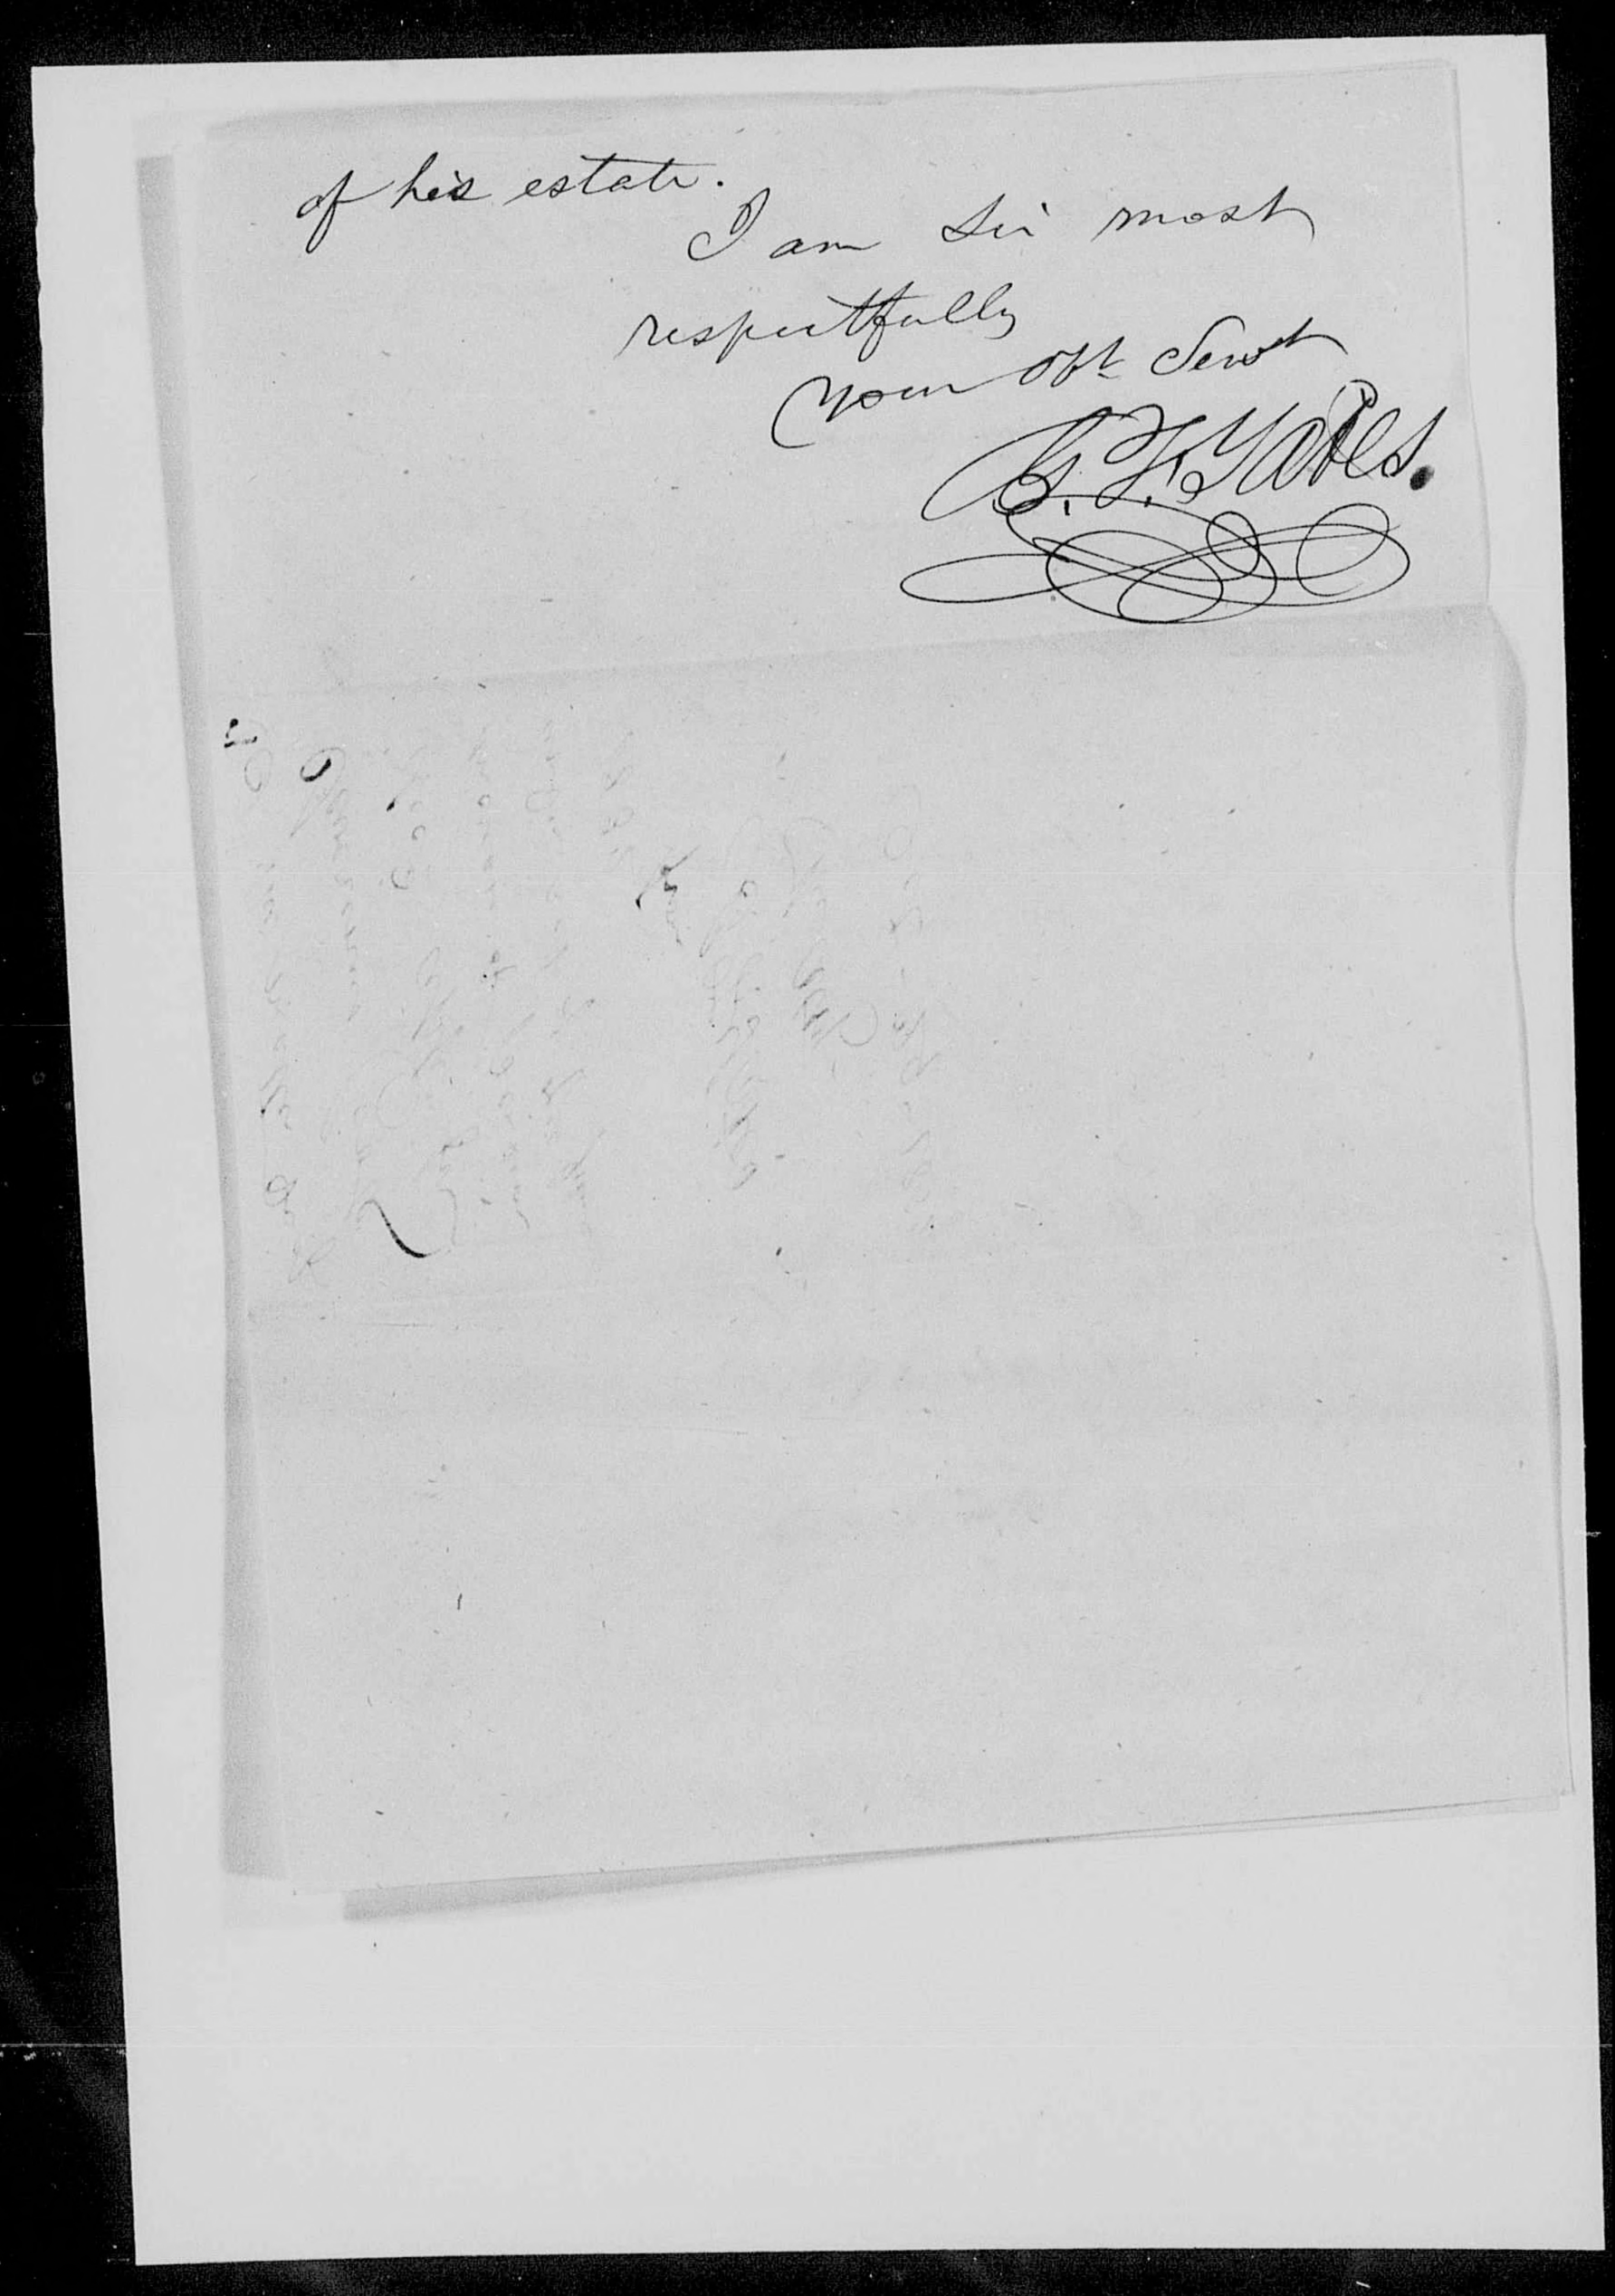of his estate.
I am Sir most respectfully
Your obt Servt
G.F. Yates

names: G F Yates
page: 32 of 51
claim: survivor's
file: S. 12563, Severinus Cook, New York